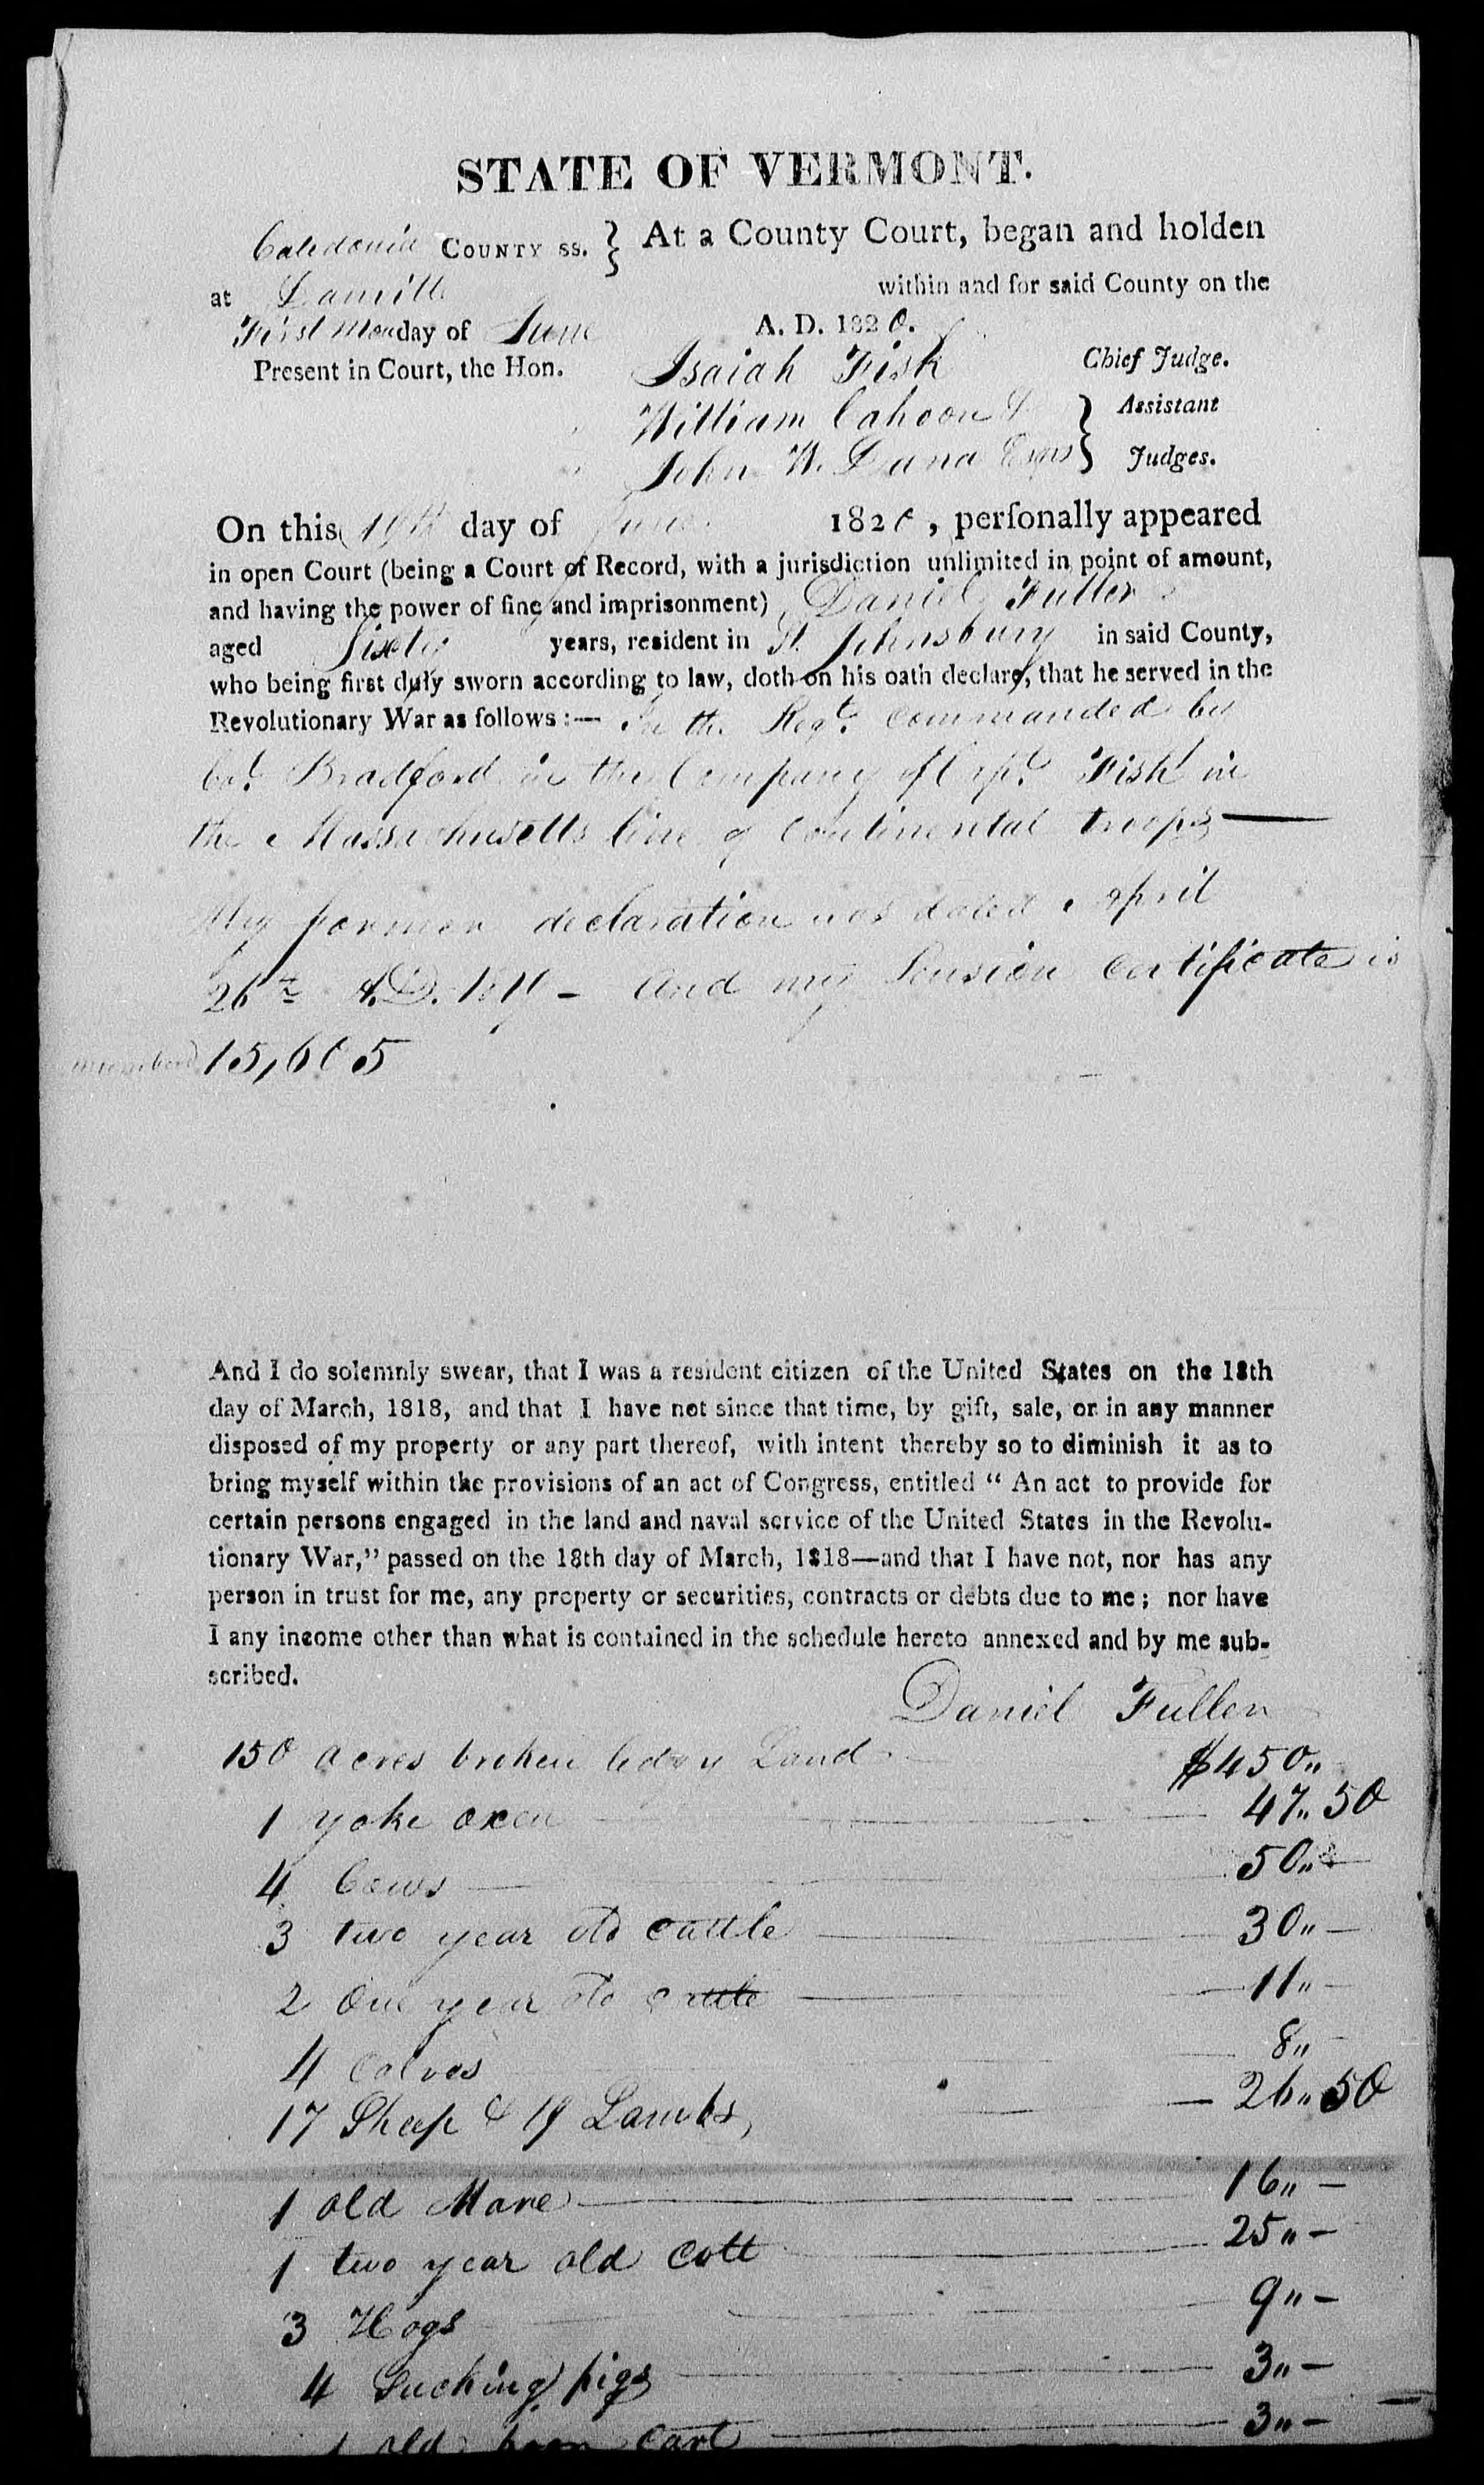STATE OF VERMONT.
Caledonia Co ss.} At a County Court, began and holden at Danville within and for said County on the First Monday of June A. D. 1820.
Present in Court, the Hon.
Isaiah Fisk  Chief Judge.
William Cahoon Jr. }
John W. Land Esq} Assistant Judges
On this 19th day of June 1820, personally appeared in open Court (being a Court of Record, with a  jurisdiction unlimited in point of amount, and having the power of fine and imprisonment) Daniel Fuller aged Sixty years, resident in St. Johnsbury in said County, who being first duly sworn according to law, doth on his oath declare, that he served in the Revolutionary War as follows: In the Regt commanded by Col Bradford in the Company of Capt Fisk in the Massachusetts line of Continental troops
My former declaration was dated April 26th AD 1819. And my pension certificate is number 15,605

And I do solemnly swear, that I was a resident citizen of the United States on the 18th day of March, 1818, and that I have not since that time, by gift, sale, or in any manner disposed of my property or any part thereof, with intent thereby so to diminish it as to bring myself within the provisions of an act of Congress, entitled "An act to provide for certain persons engaged in the land and naval service of the United States in the Revolutionary War,” passed on the 18th day of March, 1818 and that I have not, nor has any person in trust for me, any property or securities, contracts or debts due to me; nor have I any income other than what is contained in the schedule hereto annexed and by me subscribed.
Daniel Fuller (signed)

150 acres broken [illegible] Land - $450
1 Yoke oxen - 47.50
4 Cows - 50.00
3 two year old cattle - 30
2 one year old cattle - 11
4 Calves - 8.00
17 Sheep & 19 Lambs - 26.50
1 old Mare - 16.00
1 two year old colt - 25.00
3 Hogs - 9.00
4 Sucking pigs - 3.00
1 old barn cart - 3.00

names: Isaiah Fisk, Daniel Fuller, John W Dana, Fisk, Daniel Fuller, Bradford, William Cahoon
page: 14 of 29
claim: survivor's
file: S. 18830, Daniel Fuller, Mass.